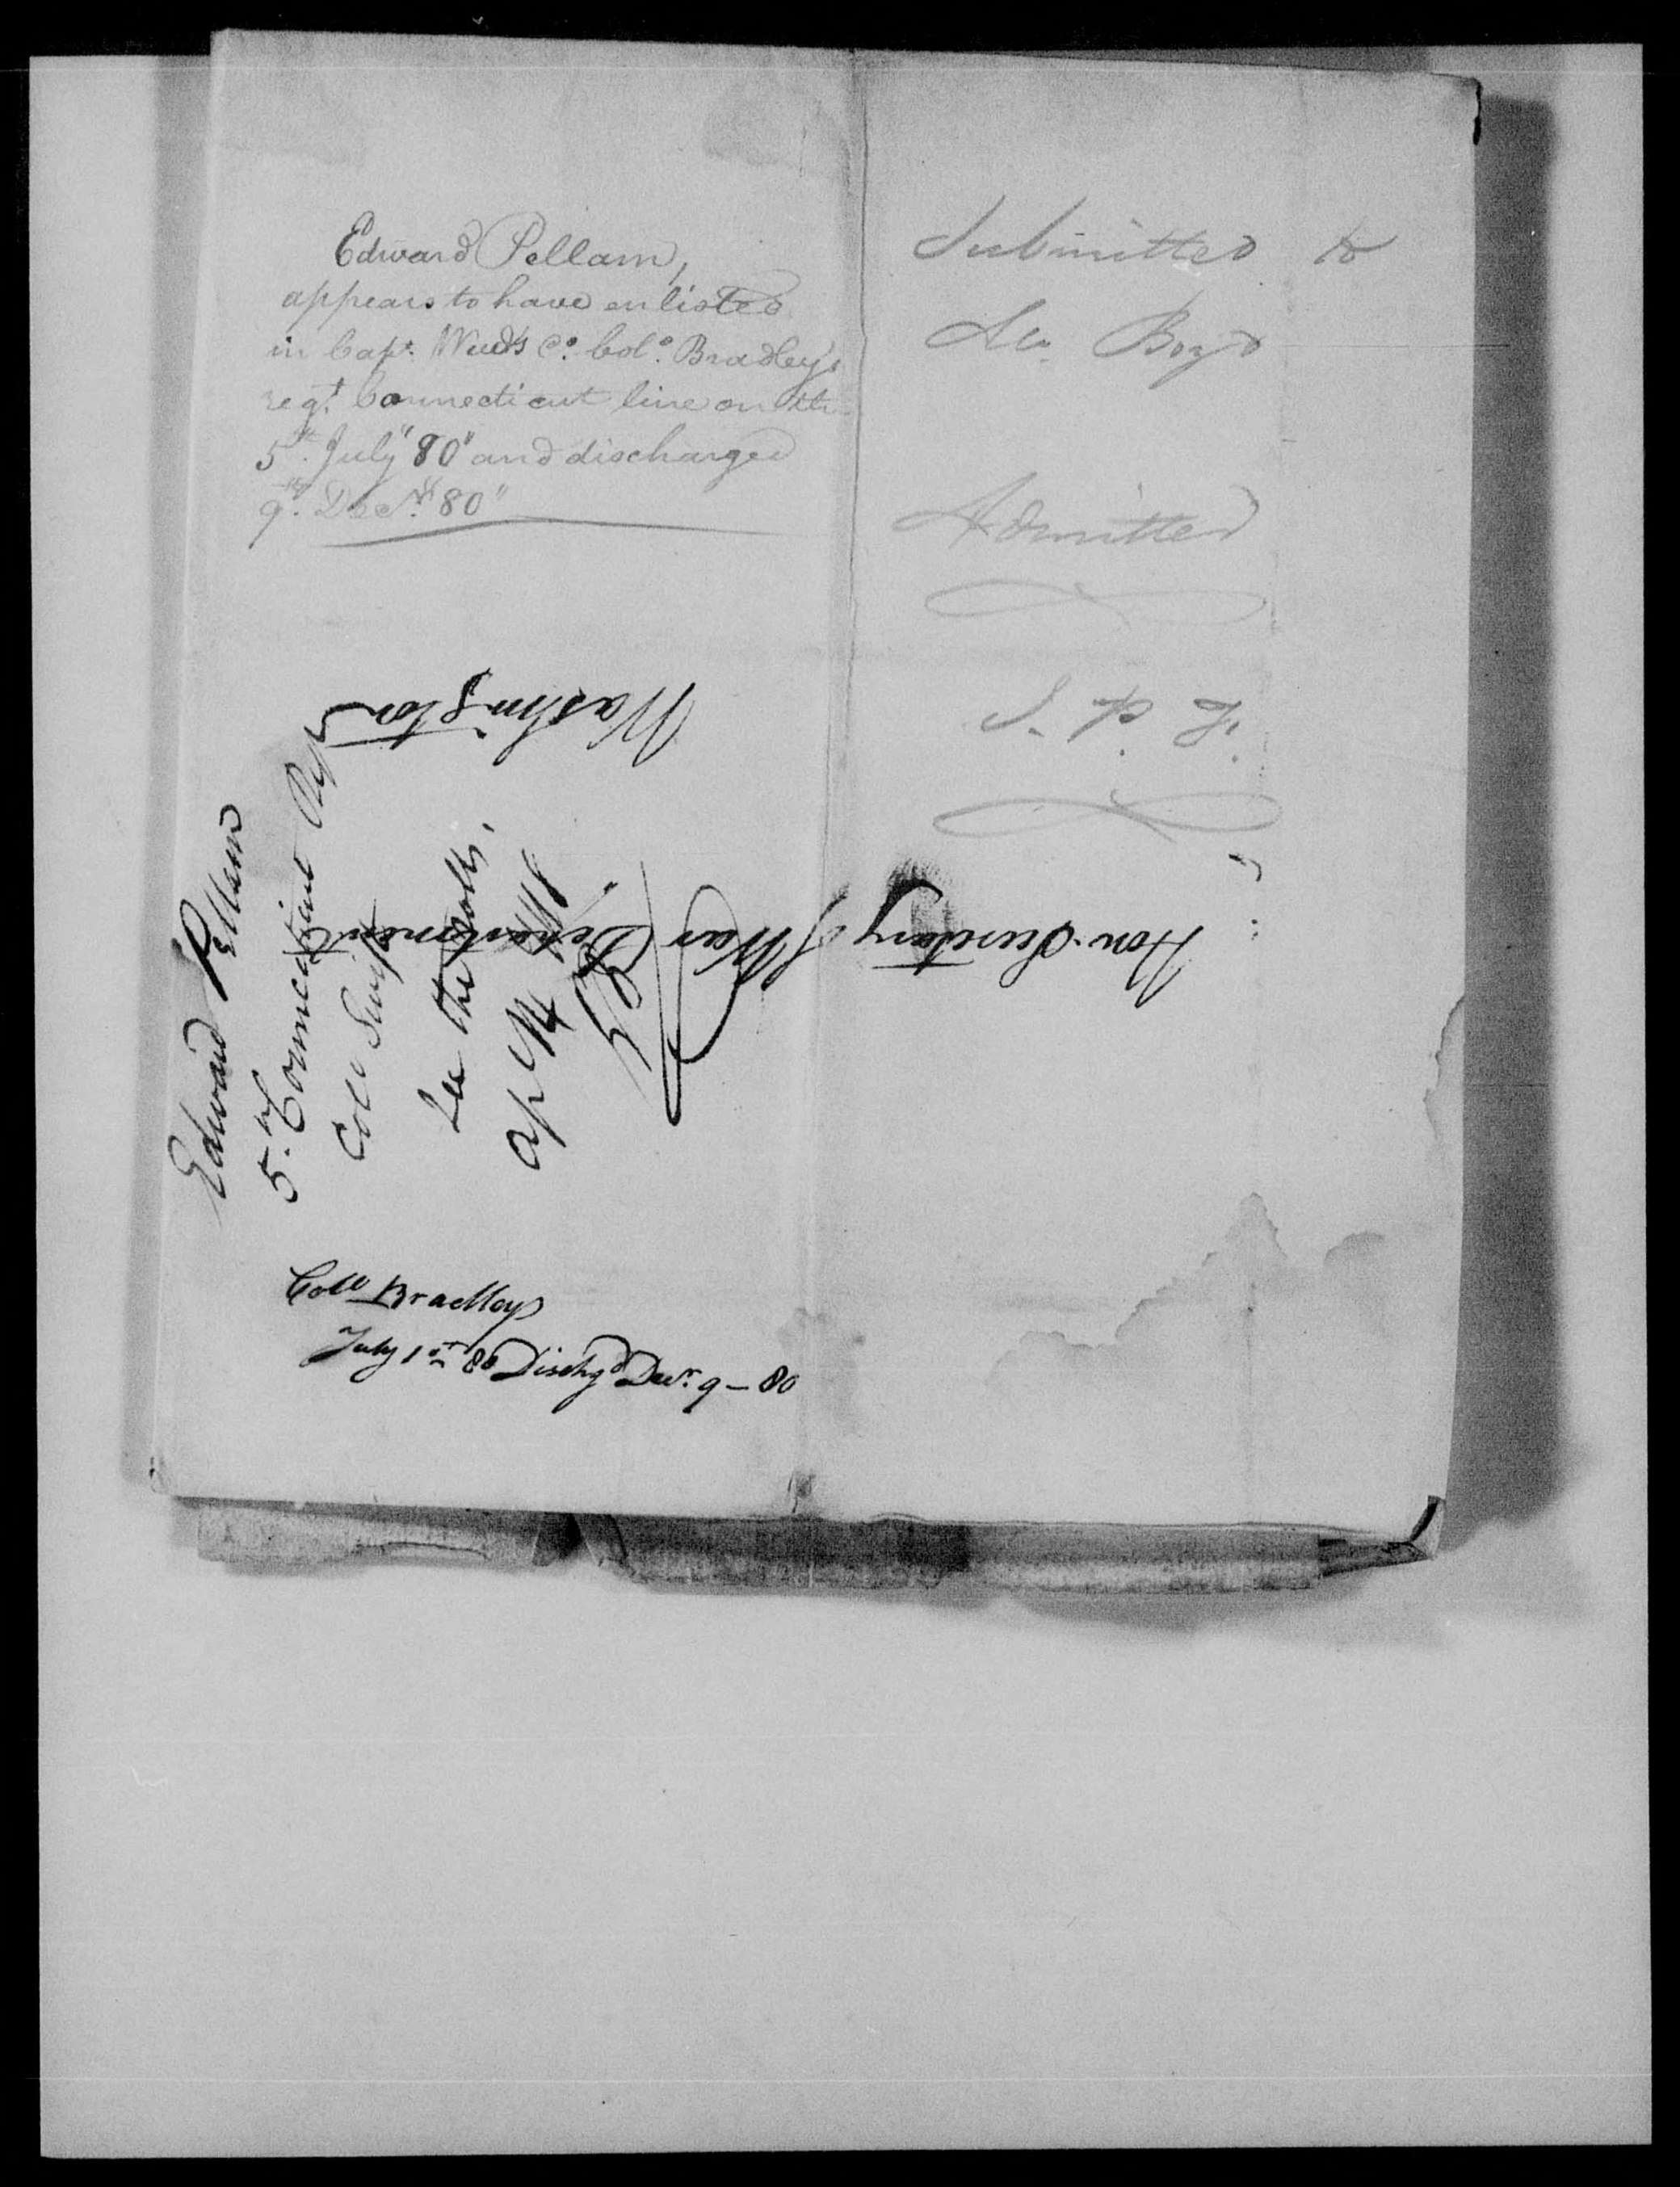Edward Pellam appears to have enlisted in Capt Weets Co Col Bradely's reg Connecticut line on the 5th. July "80" and discharged 9th. Dec. "80"

Submitted to [illegible] [illegible]
Admitted
I.P.F.

Edward Pellam
5. Connecticut Reg
Col Swift
[illegible] the [illegible]
[illegible] 14 [illegible]
[illegible]

Hon Secretary of War Department

Col Bradley
July 1st [illegible] Dec 9 - 80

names: [BLANK] Bradley; Edward Pellom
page: 4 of 8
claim: survivor's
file: S. 36216, for Edward Pellom, Connecticut